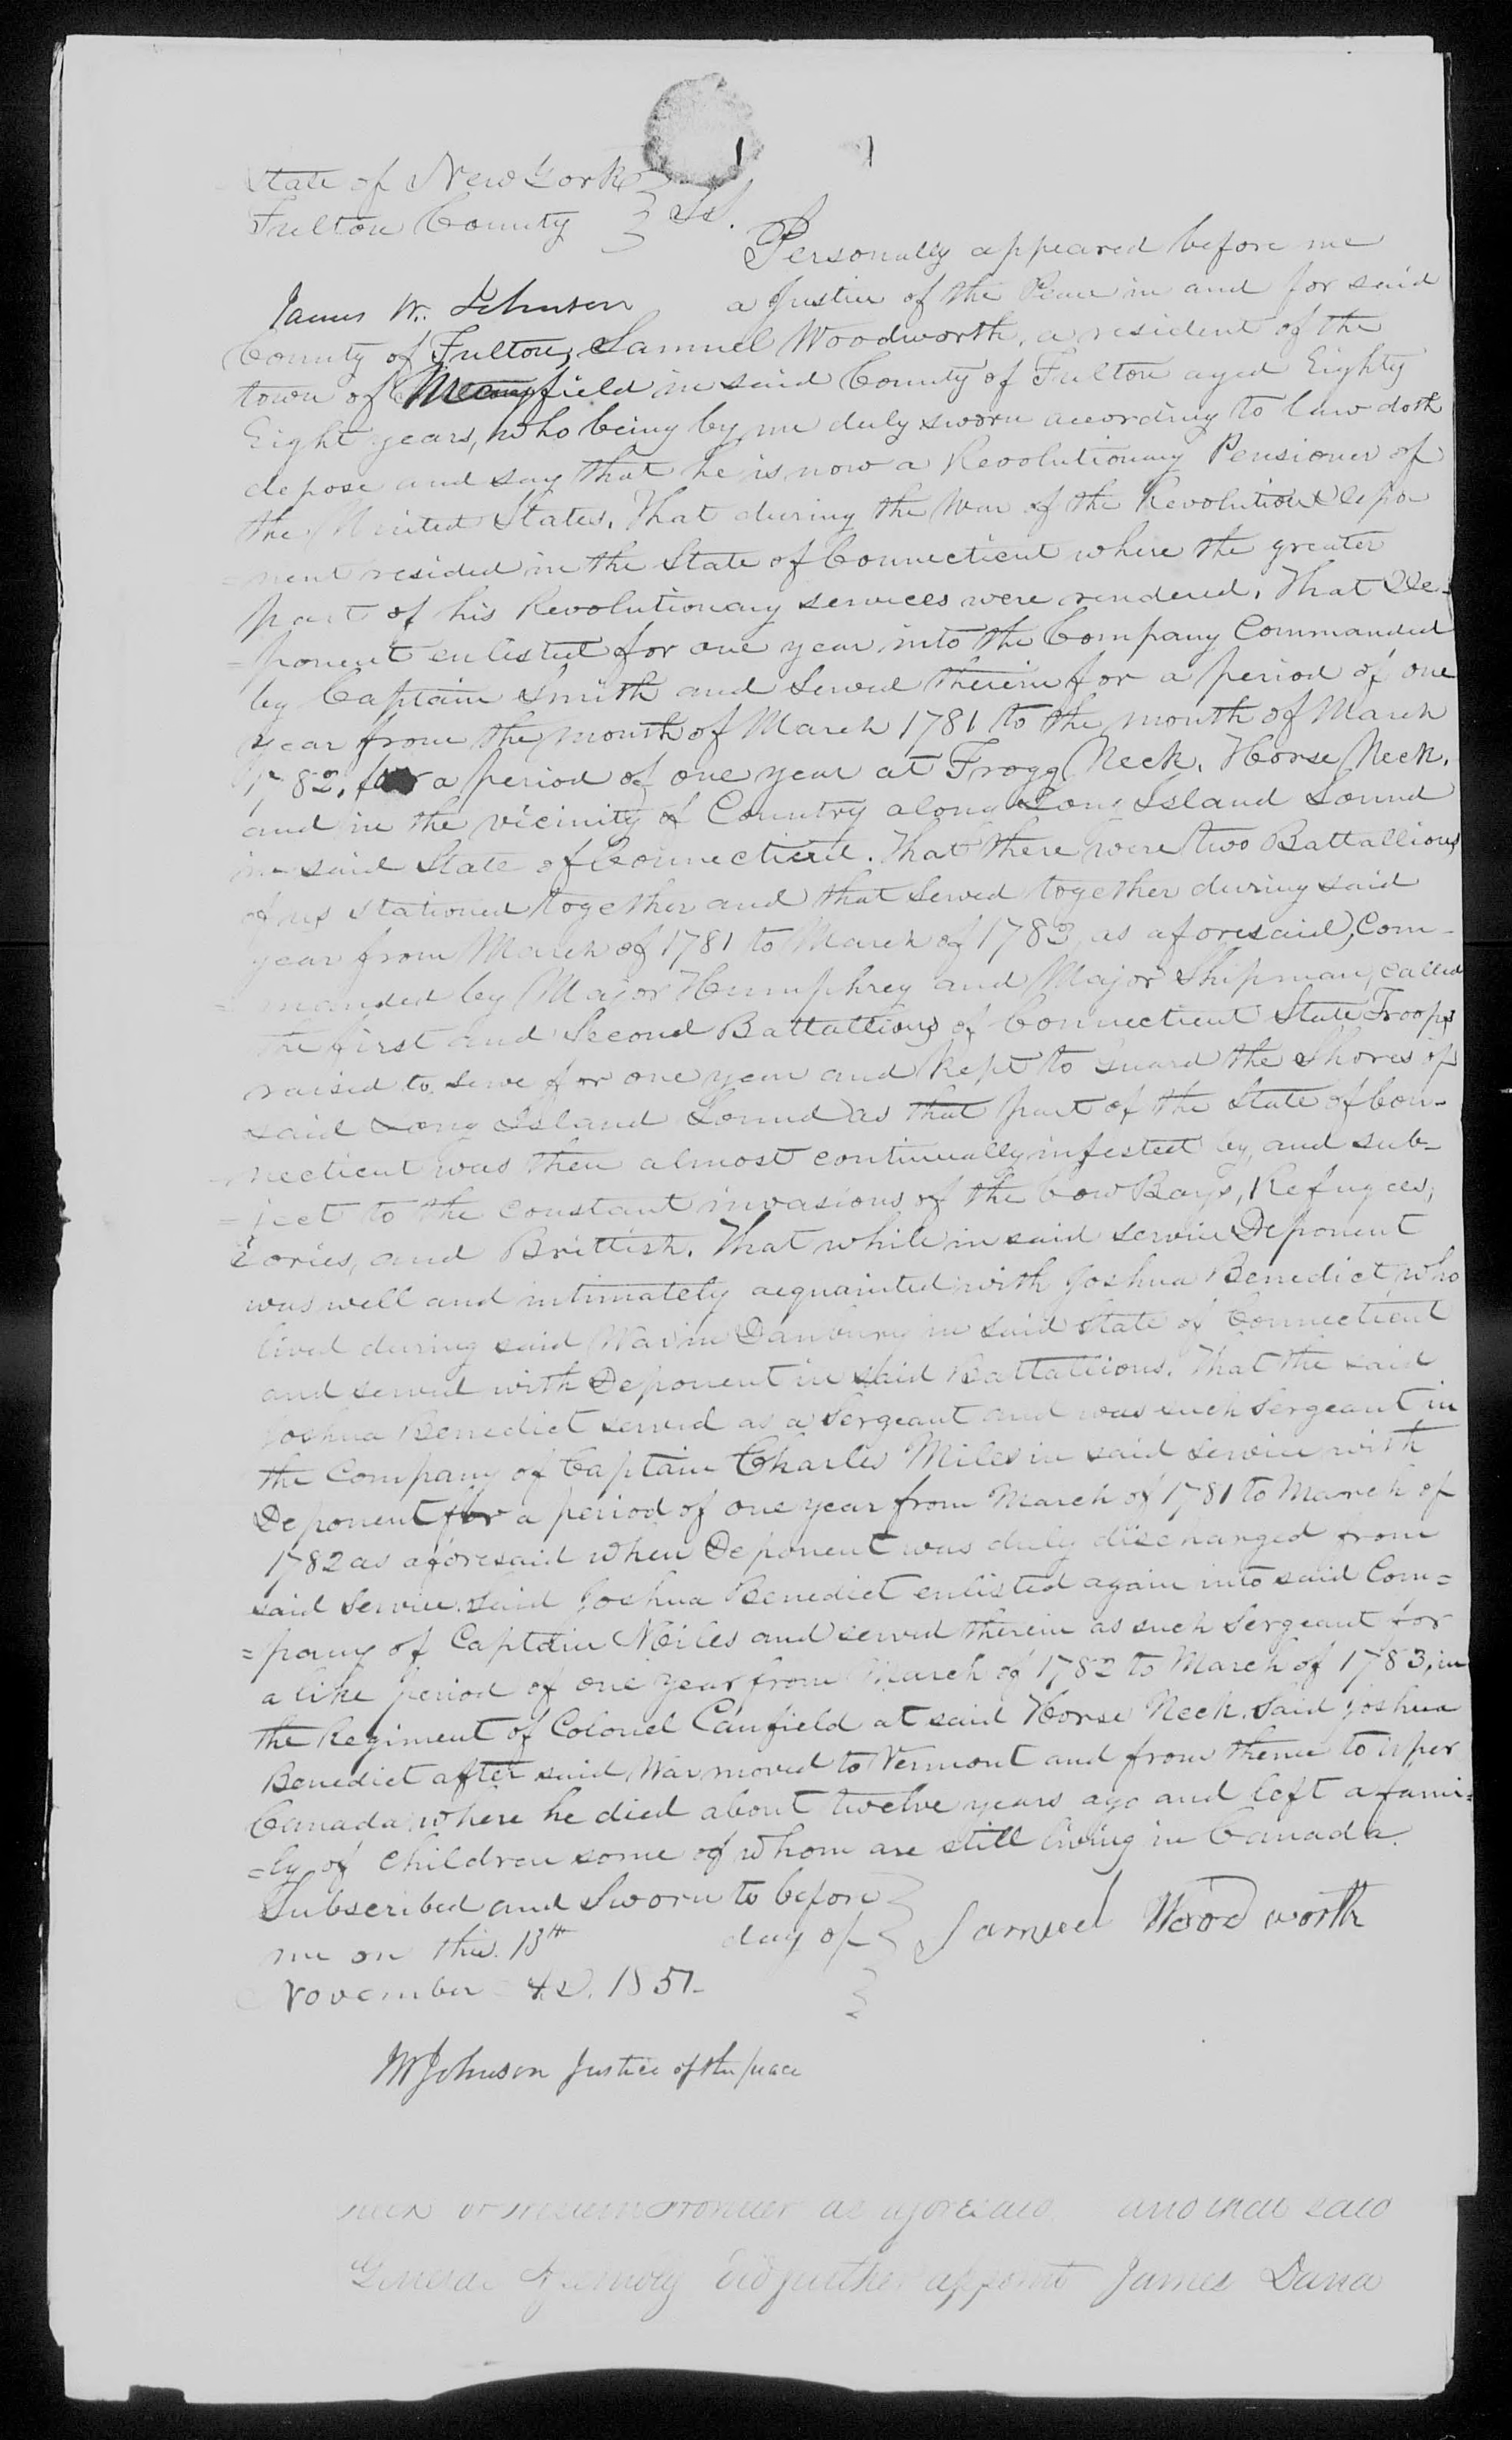State of New York
Fulton County } SS.
Personally appeared before me James W. Johnson a Justice of the Peace in and for said County of Fulton Samuel Woodworth, a resident of the town of Mayfield in said County of Fulton aged Eighty Eight years, who being by me duly sworn according to law doth depose and say that he is now a Revolutionary Pensioner of the United States. That during the War of the Revolution Deponent resided in the State of Connecticut where the greater part of his Revolutionary services were rendered. That Deponent enlisted for one year into the Company Commanded by Captain Smith and served therein for a period of one year from the month of March 1781 to the month of March 1782 for a period of one year at Frogg Neck, Horse Neck, and in the vicinity of Country along Long Island Sound in said State of Connecticut. That there were two Battallions [battalions] [illegible] stationed together and that served together during said year from March of 1781 to March of 1783 as aforesaid, Commanded by Major Humphrey and Major Shipman, called the first and second Battallions [battalions] of Connecticut State Troops raised to serve for one year and kept to Guard the Shores of said Long Island Sound as that part of the State of Connecticut was then almost continuously infested by and subject to the constant invasions of the Cow Boys, Refugees, Tories, and British. That while in said service Deponent was well and intimately acquainted with Joshua Benedict who lived during said War in Danbury in said State of Connecticut and served with Deponent in said Battallions [battalions]. That the said Joshua Benedict served as a Sergeant and was such Sergeant in the Company of Captain Charles Miles in said service with Deponent for a period of one year from March of 1781 to March of 1782 as aforesaid when Deponent was duly discharged from said service said Joshua Benedict enlisted again into said Company of Captain Miles and served therein as such Sergeant for a like period of one year from March of 1782 to March of 1783, in the Regiment of Colonel Canfield at said Horse Neck. Said Joshua Benedict after said War moved to Vermont and from thence to uper [upper] Canada where he died about twelve years ago and left a family of children some of whom are still living in Canada.
Samuel Woodworth

Subscribed and Sworn to before me on this 13th day of November A.D. 1857.
W Johnson Justice of the peace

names: Samuel Woodworth, Charles Miles, James Dana, Warin Danbury, Samuel Woodworth, Joshua Benedict, James W Johnson, J W Johnson, Joshua Benedict, Joshua Benedict, Smith, Joshua Benedict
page: 82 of 106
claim: survivor's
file: S 23,116., Joshua Benedict, Conn.